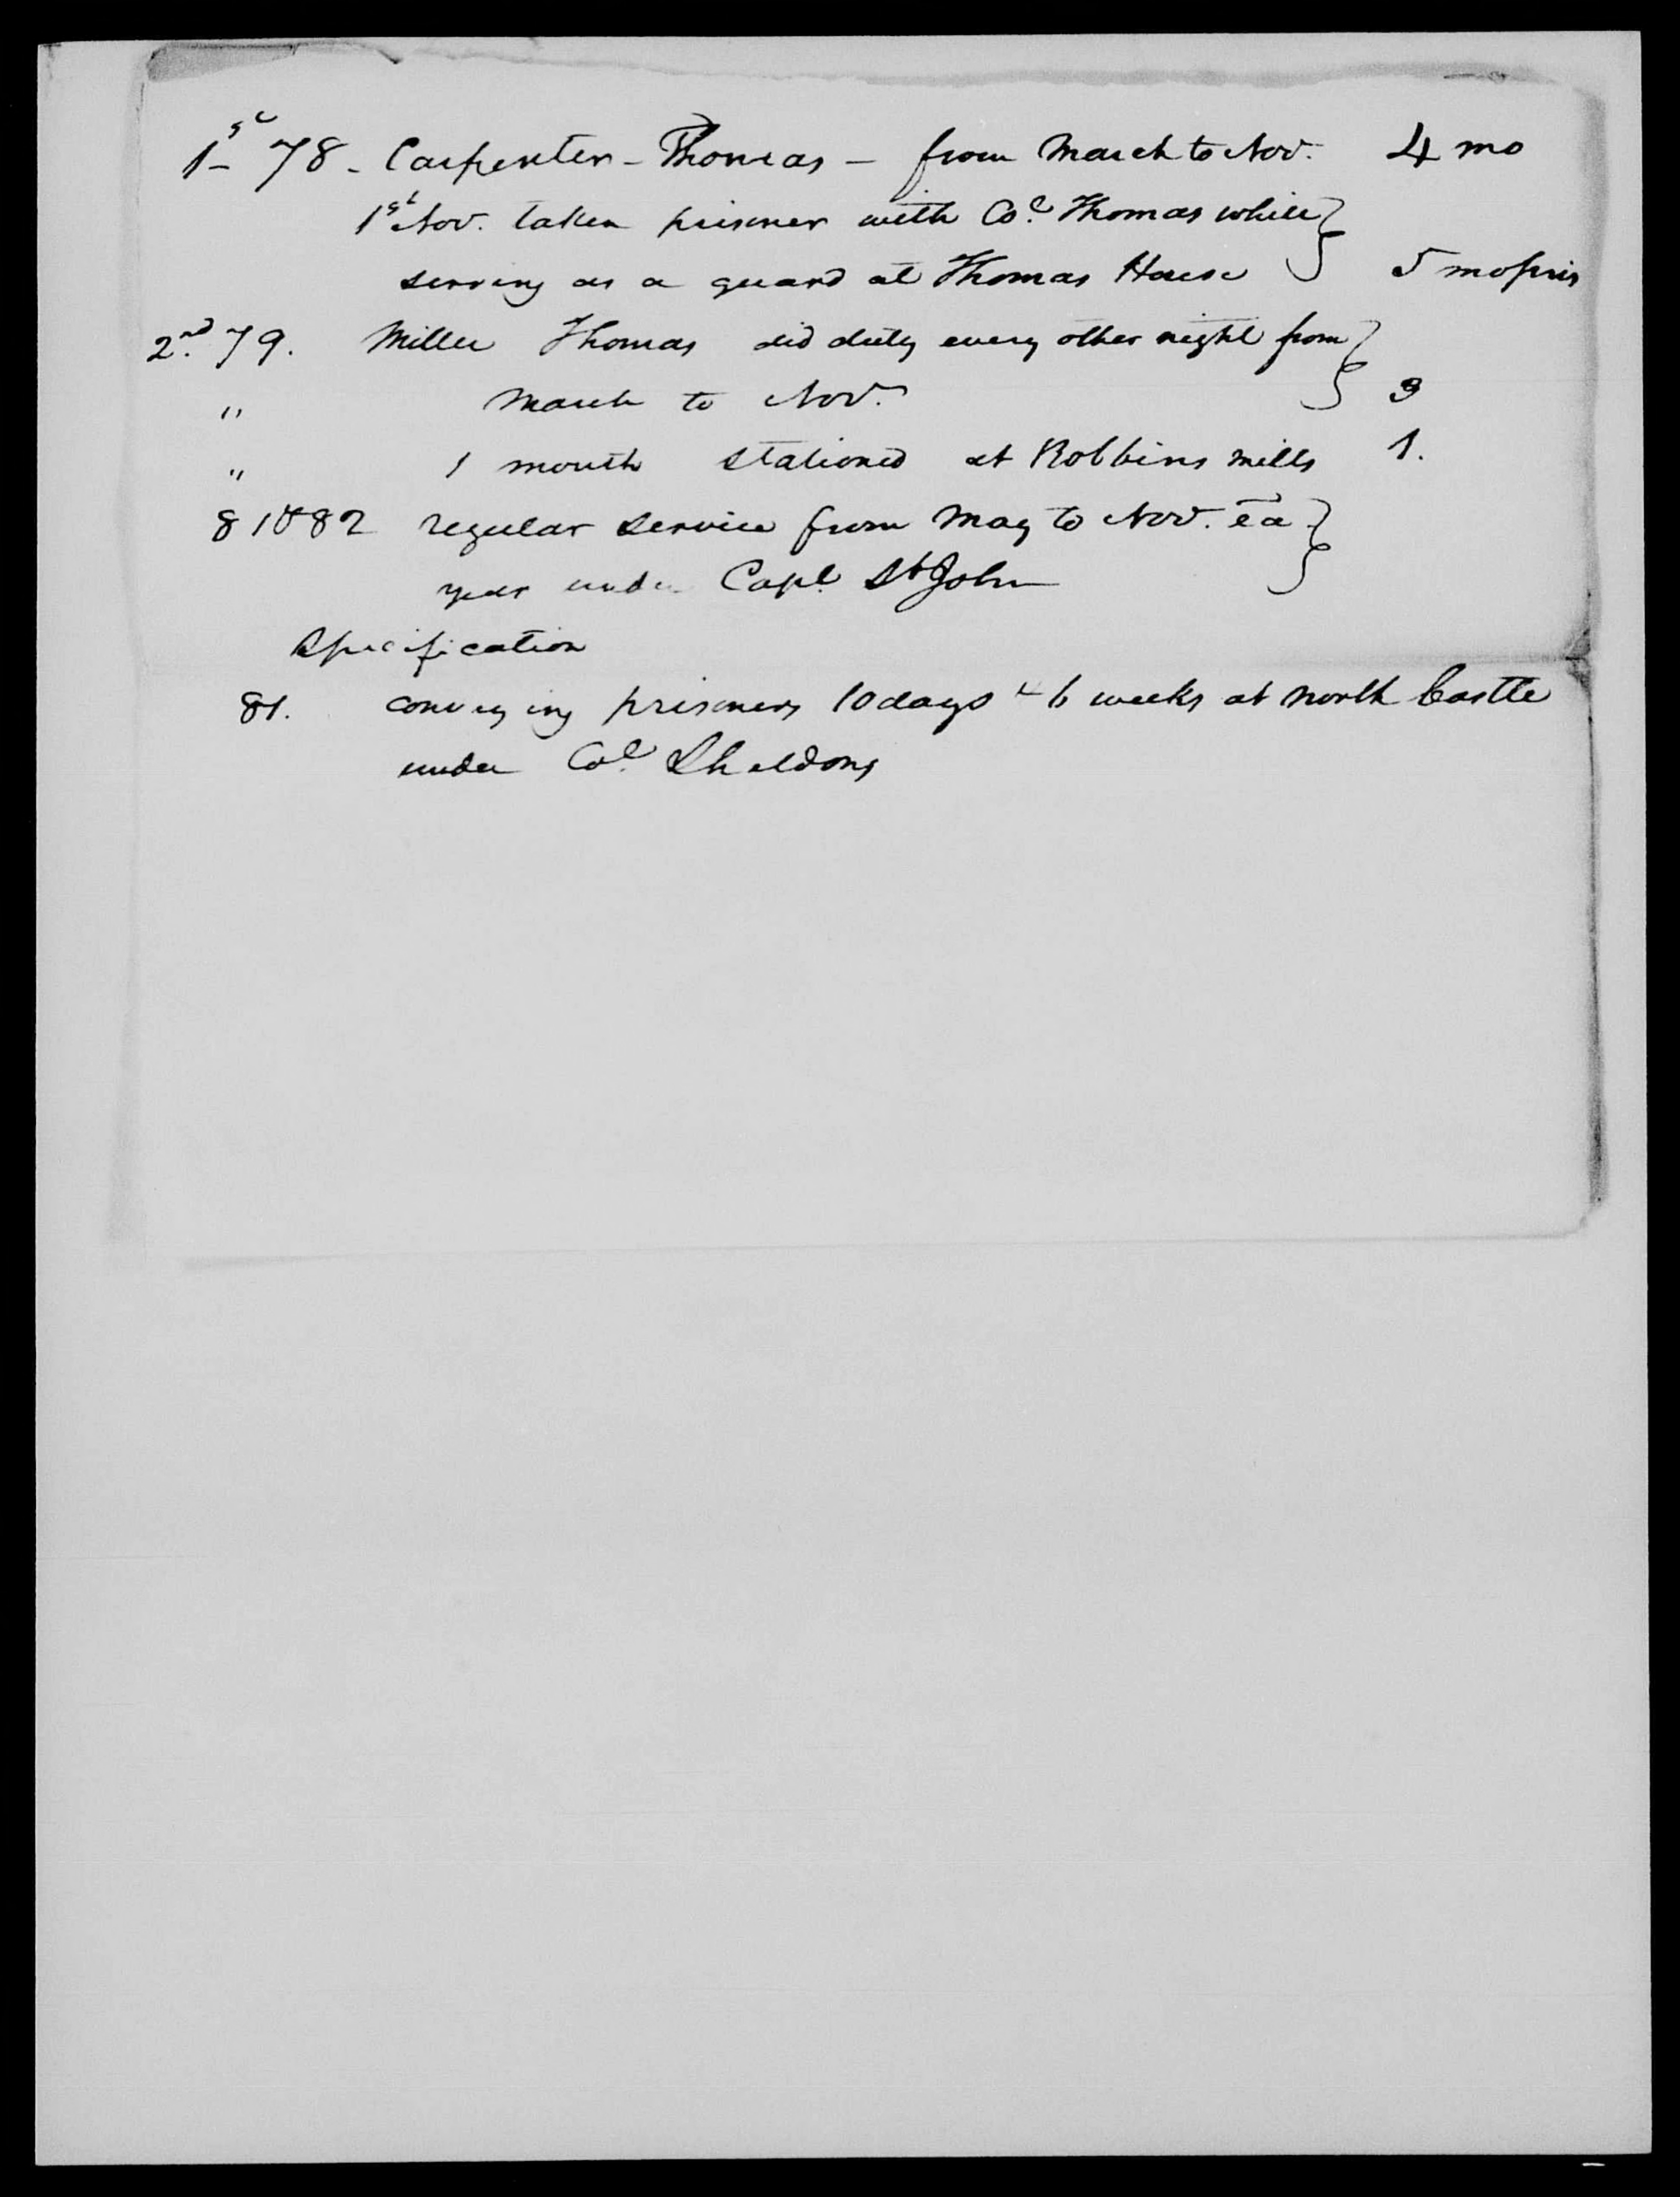1st - 78 - Carpenter - Thomas - from March to Nov.   4 mo.
1st Nov. taken prisoner with Col Thomas while}
 serving as a guard at Thomas House}  5 mos

2nd  79  Miller Thomas did duty every other night from} 
" March to Nov.} 3 [mo] 
" 1 month stationed at Robbins Mills 1 [mo]

81 & 82 - regular service from May to Nov. ea. year under Capt St John}
specification 

81 - conveying prisoners 10 days & 6 weeks at North Castle under Col Sheldon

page: 23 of 33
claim: rejected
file: R. 7,063, for Elisha B Maynard, New York